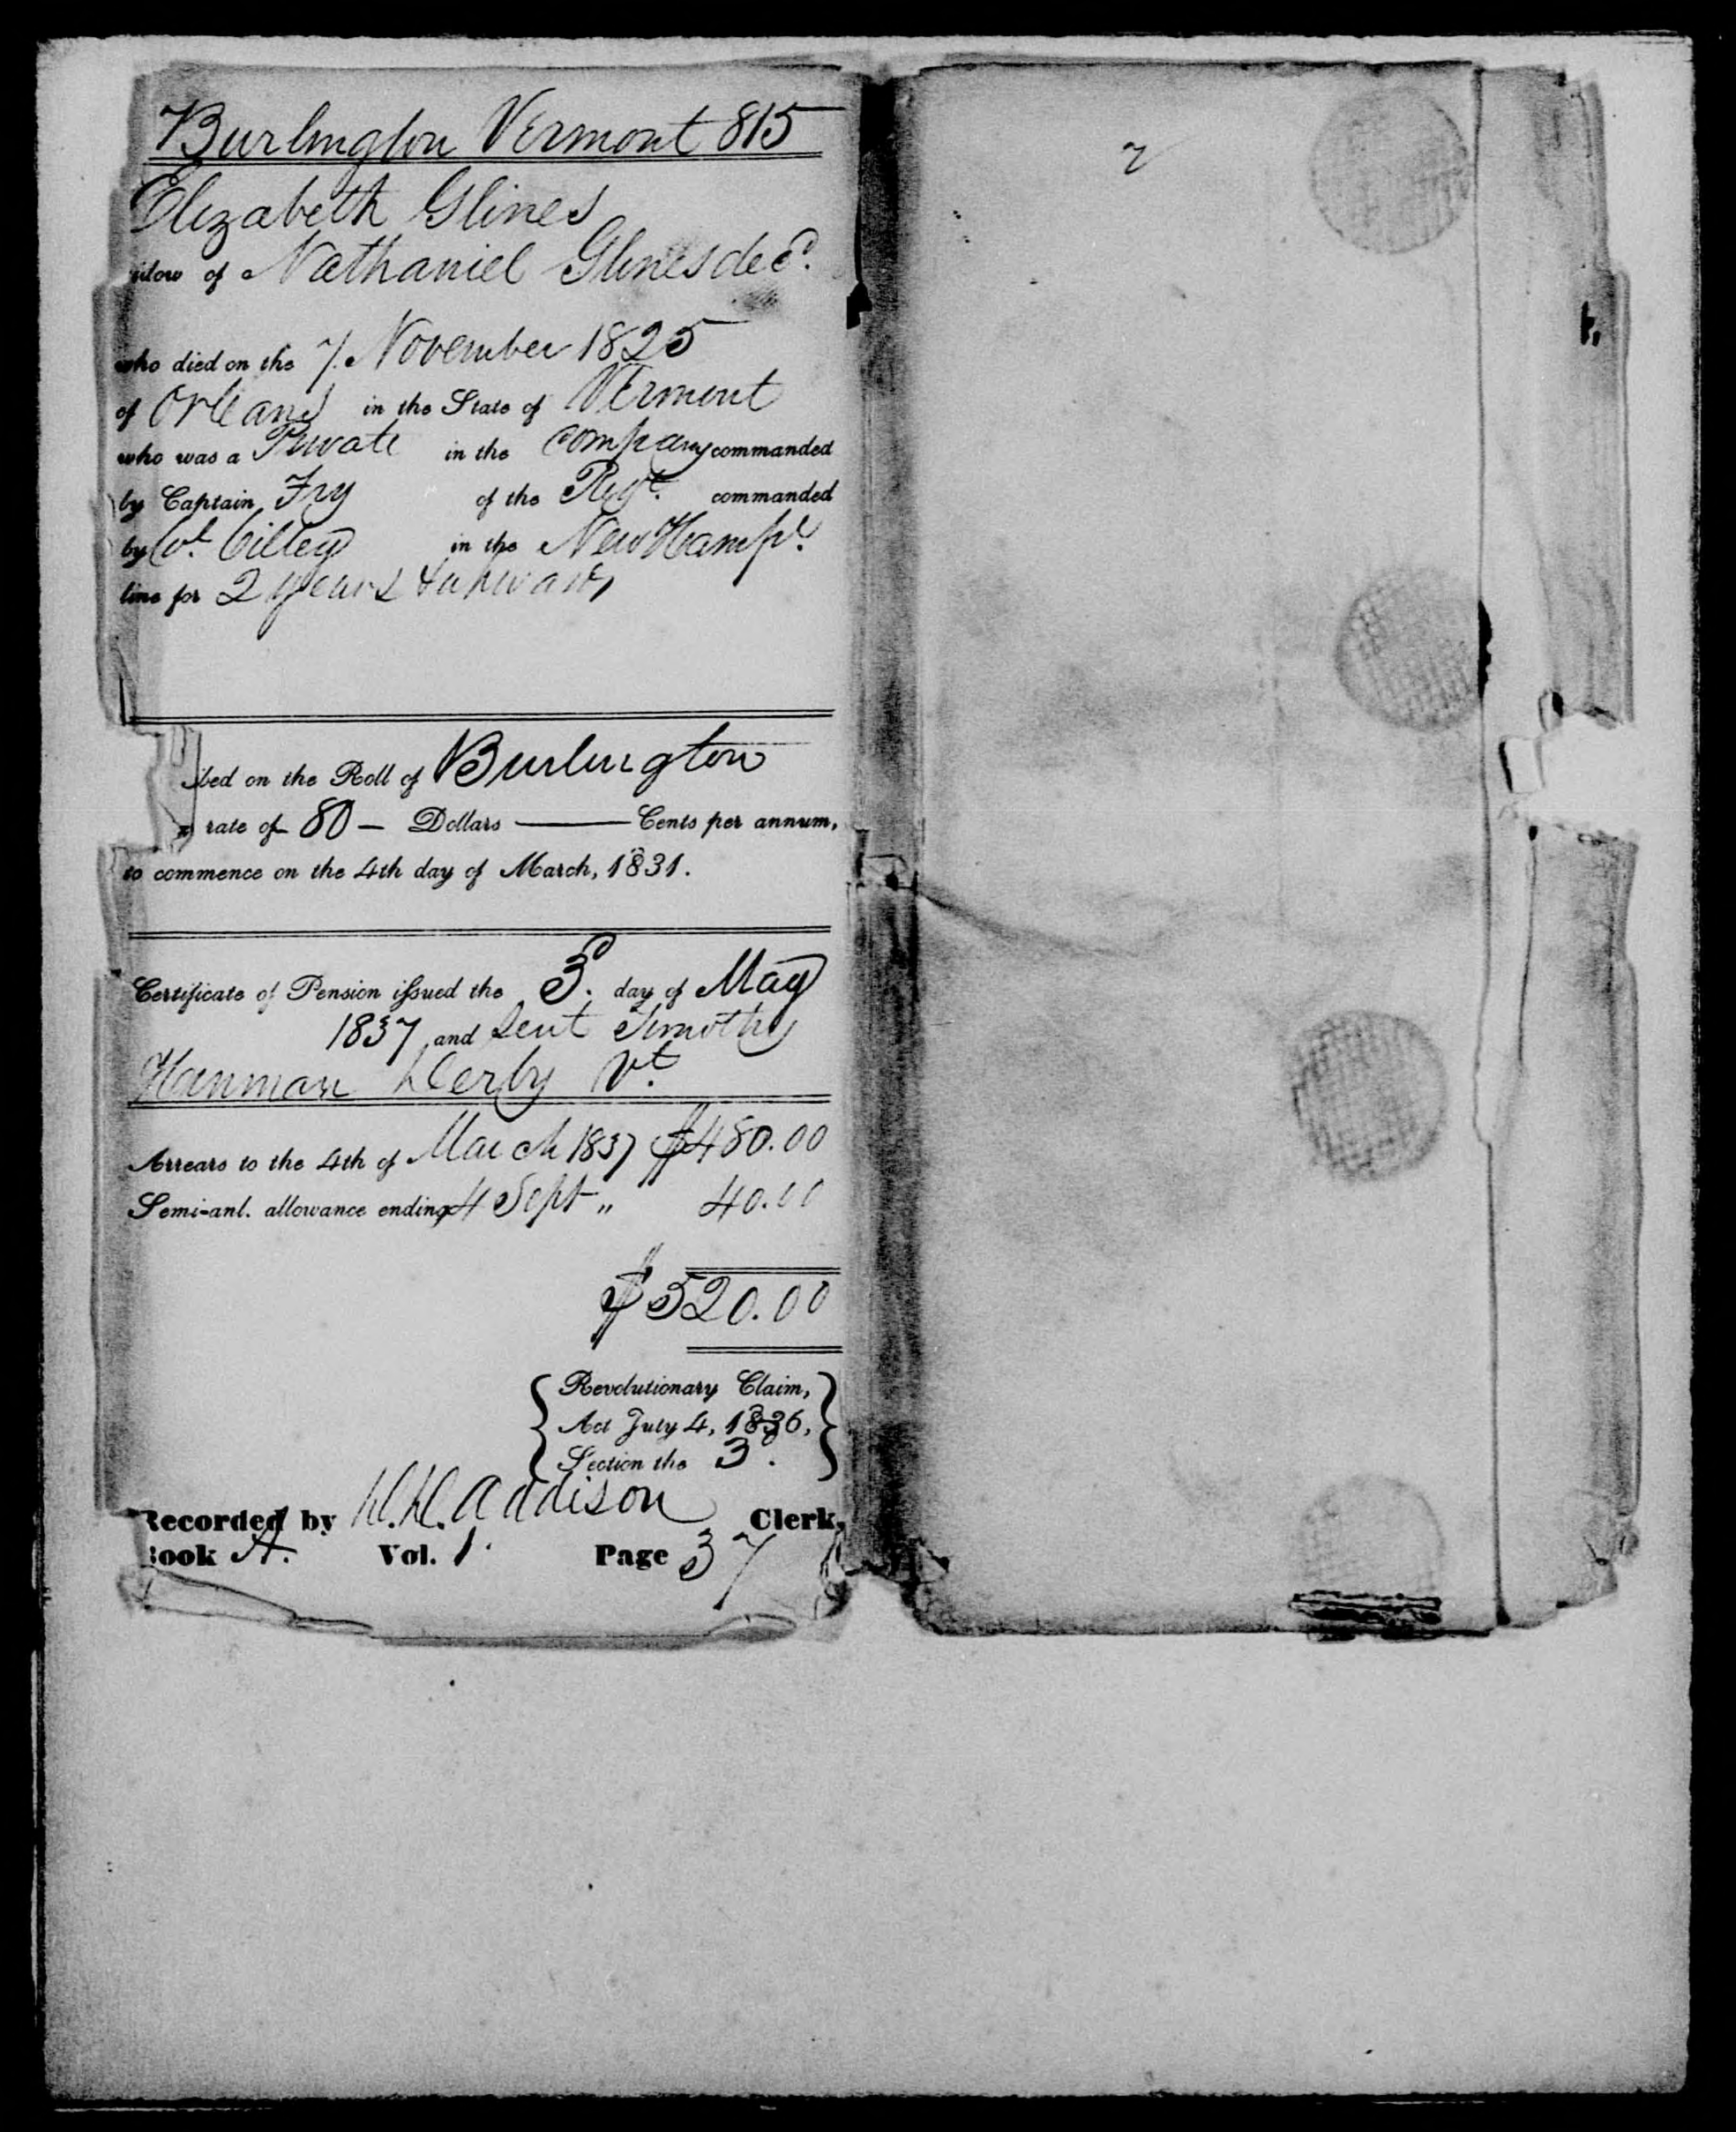Burlington Vermont 815
Elizabeth Glines
Widow of Nathaniel Glines dec'd
who died on the 7 November 1825
of Orleans in the State of Vermont
who was a Private in the company commanded
by Captain Fry of the Regt. commanded
by Col. Gilley in the New Hamp.
line for 2 years & upwards
Inscribed on the Roll of Burlington
rate of 80 Dollars - Cents per annum,
to commence on the 4th day of March, 1831.
Certificate of Pension issued the 3d day of May
1837 and sent Timothy
Hinman Derby Vt.
Arrears to the 4th of March 1837 $480.00
Semi-anl. allowance ending 4 Sept " 40.00
$520.00
{Revolutionary Claim,
Act July 4, 1836,
Section the 3d}
Recorded by D.D. Addison Clerk,
Book A. Vol. 1 Page 37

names: Fry, Elizabeth Glines, Timothy Hinman, Nathaniel Glines, Cilley, D D Addison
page: 3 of 29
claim: widow's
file: W. 24,282, Nathaniel Glines, N.H.